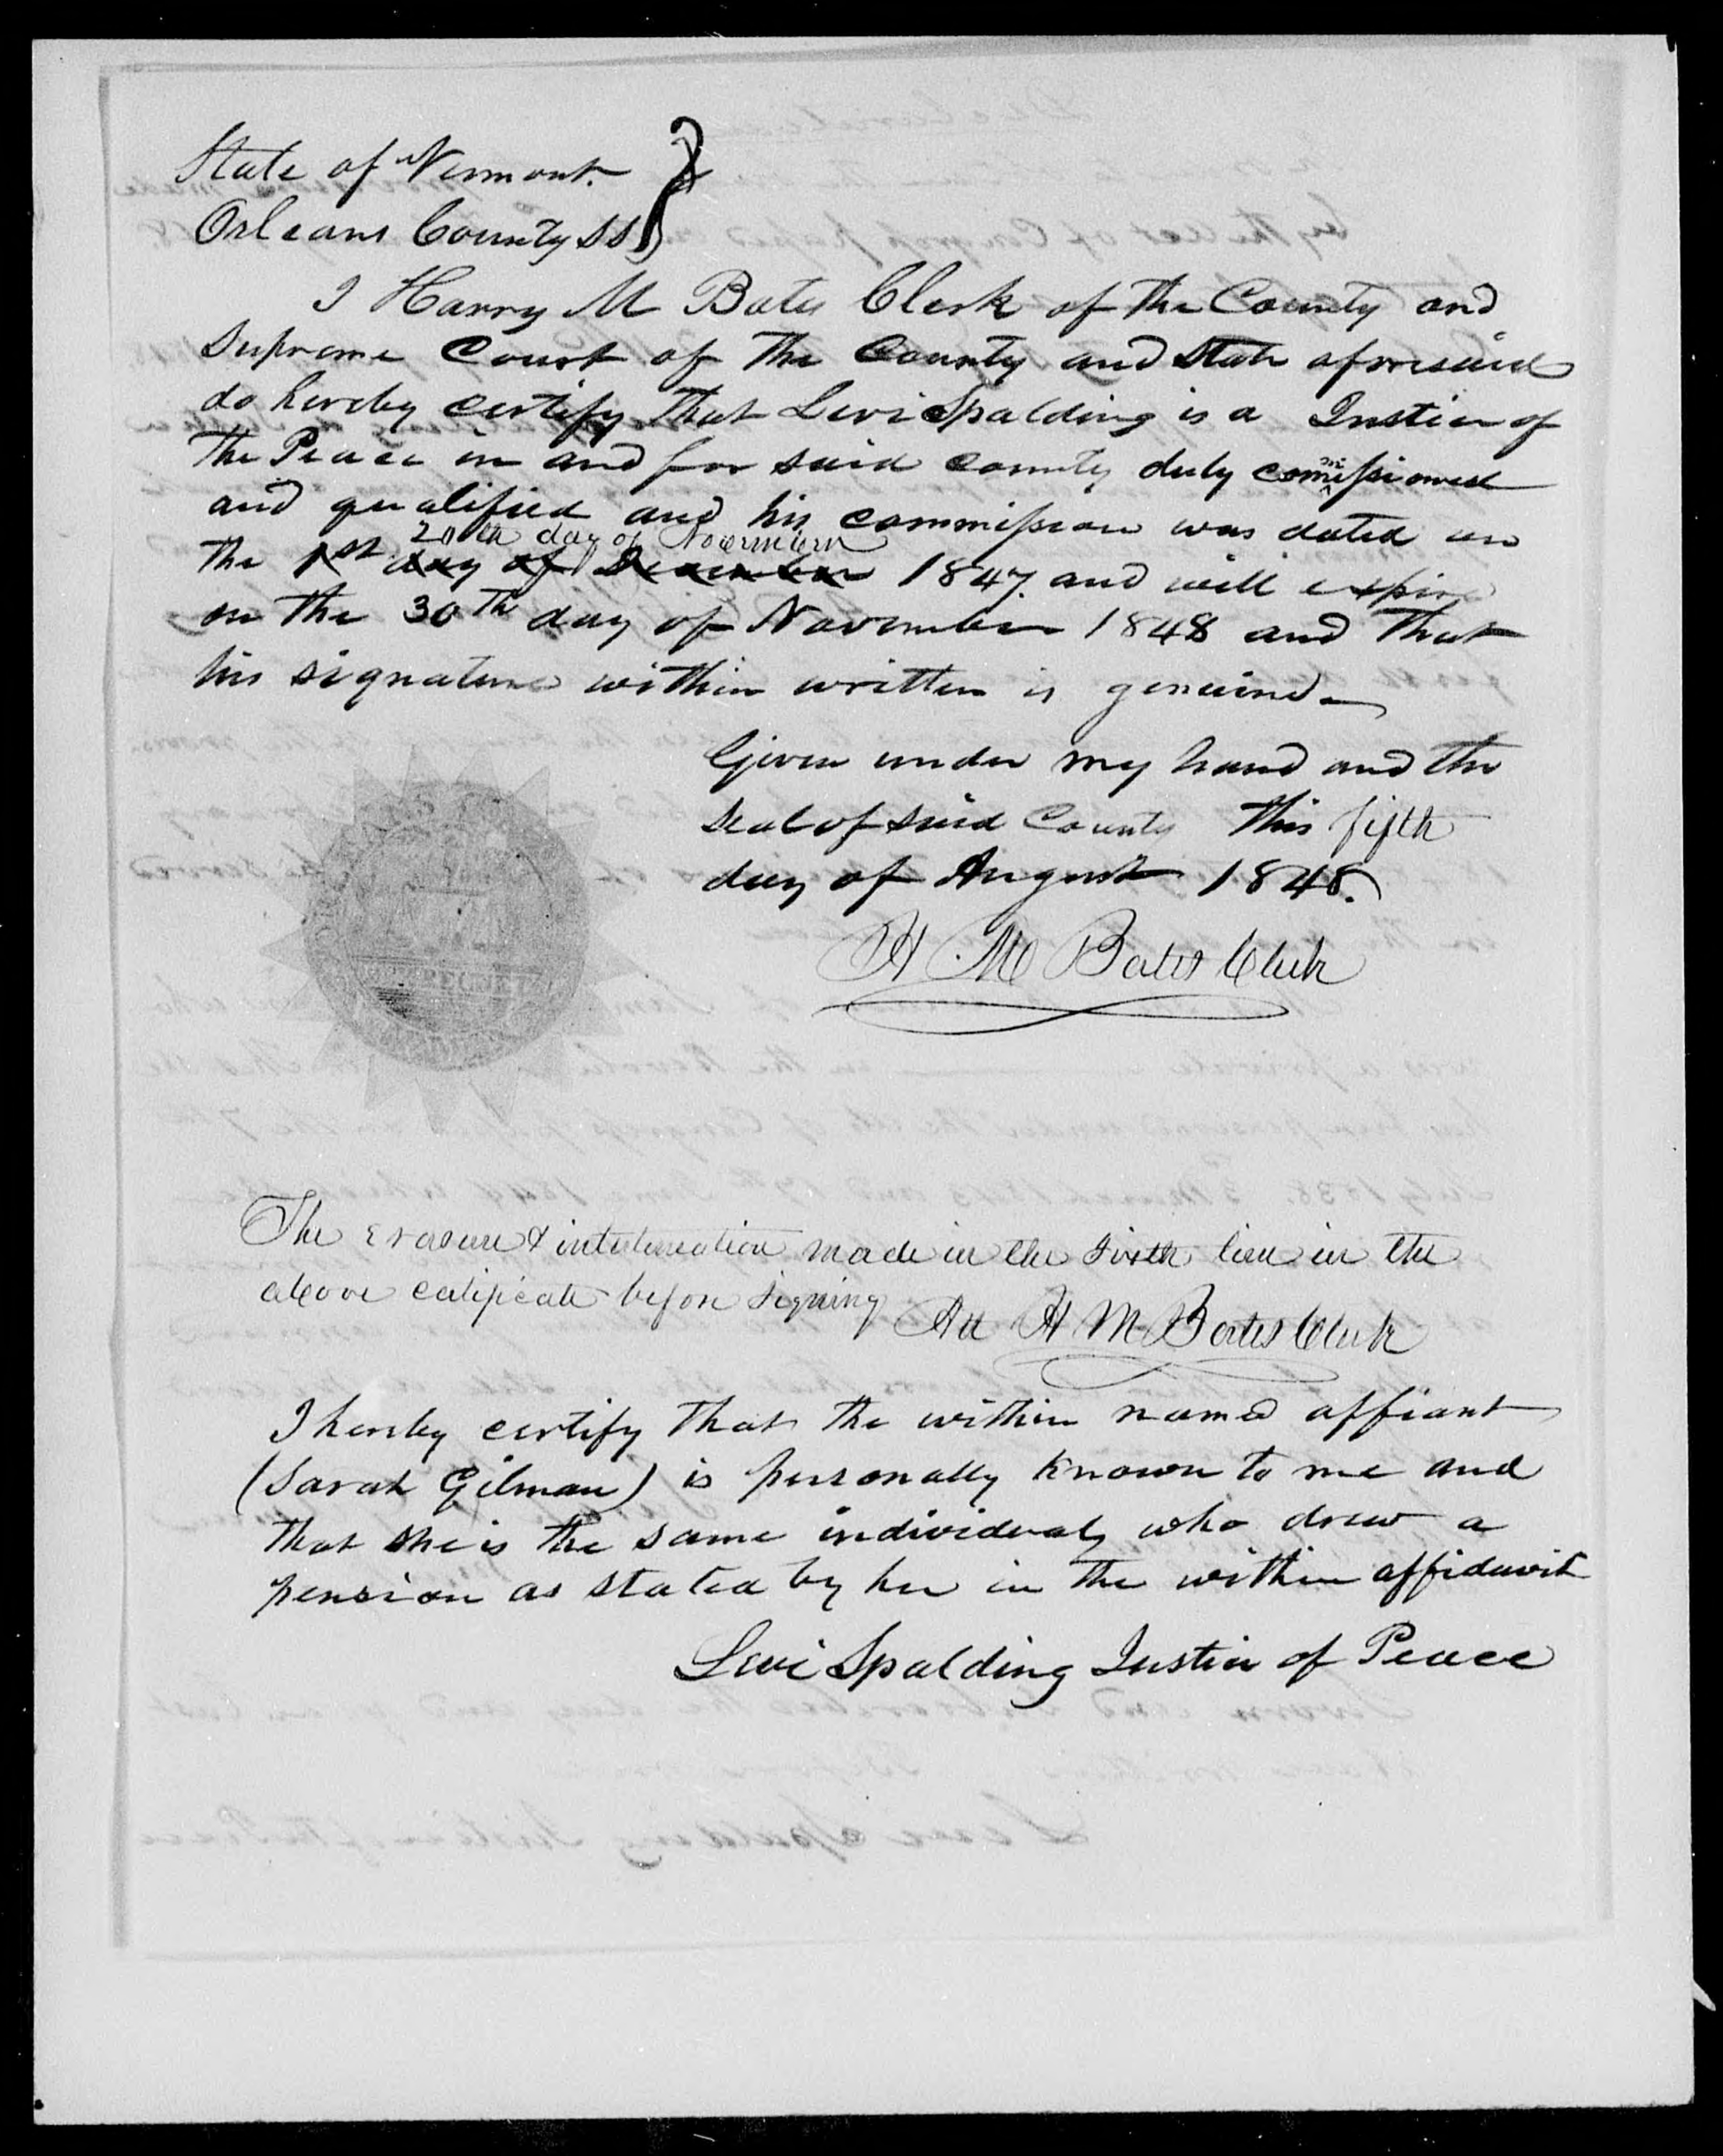State of Vermont
Orleans County ss }

I harry M Bates Clerk of the County and Supreme Court of the County and State aforesaid do hereby certify that Levi Spalding is a Justice of the Peace in and for said county duly commissioned and qualified and his commission was dated on the 20th day of November 1847 and will expire on the 30th day of November 1848 and that his signature within is genuine

Given under my hand and the Seal of said County this fifth day of August 1848
H M Bates Clerk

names: H M Bates, H M Bates, Levi Spalding, Sarah Gilman, Levi Spalding, Harry M Bates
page: 50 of 61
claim: widow's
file: W. 19500, Samuel Thing Gilman, Continental N.H.